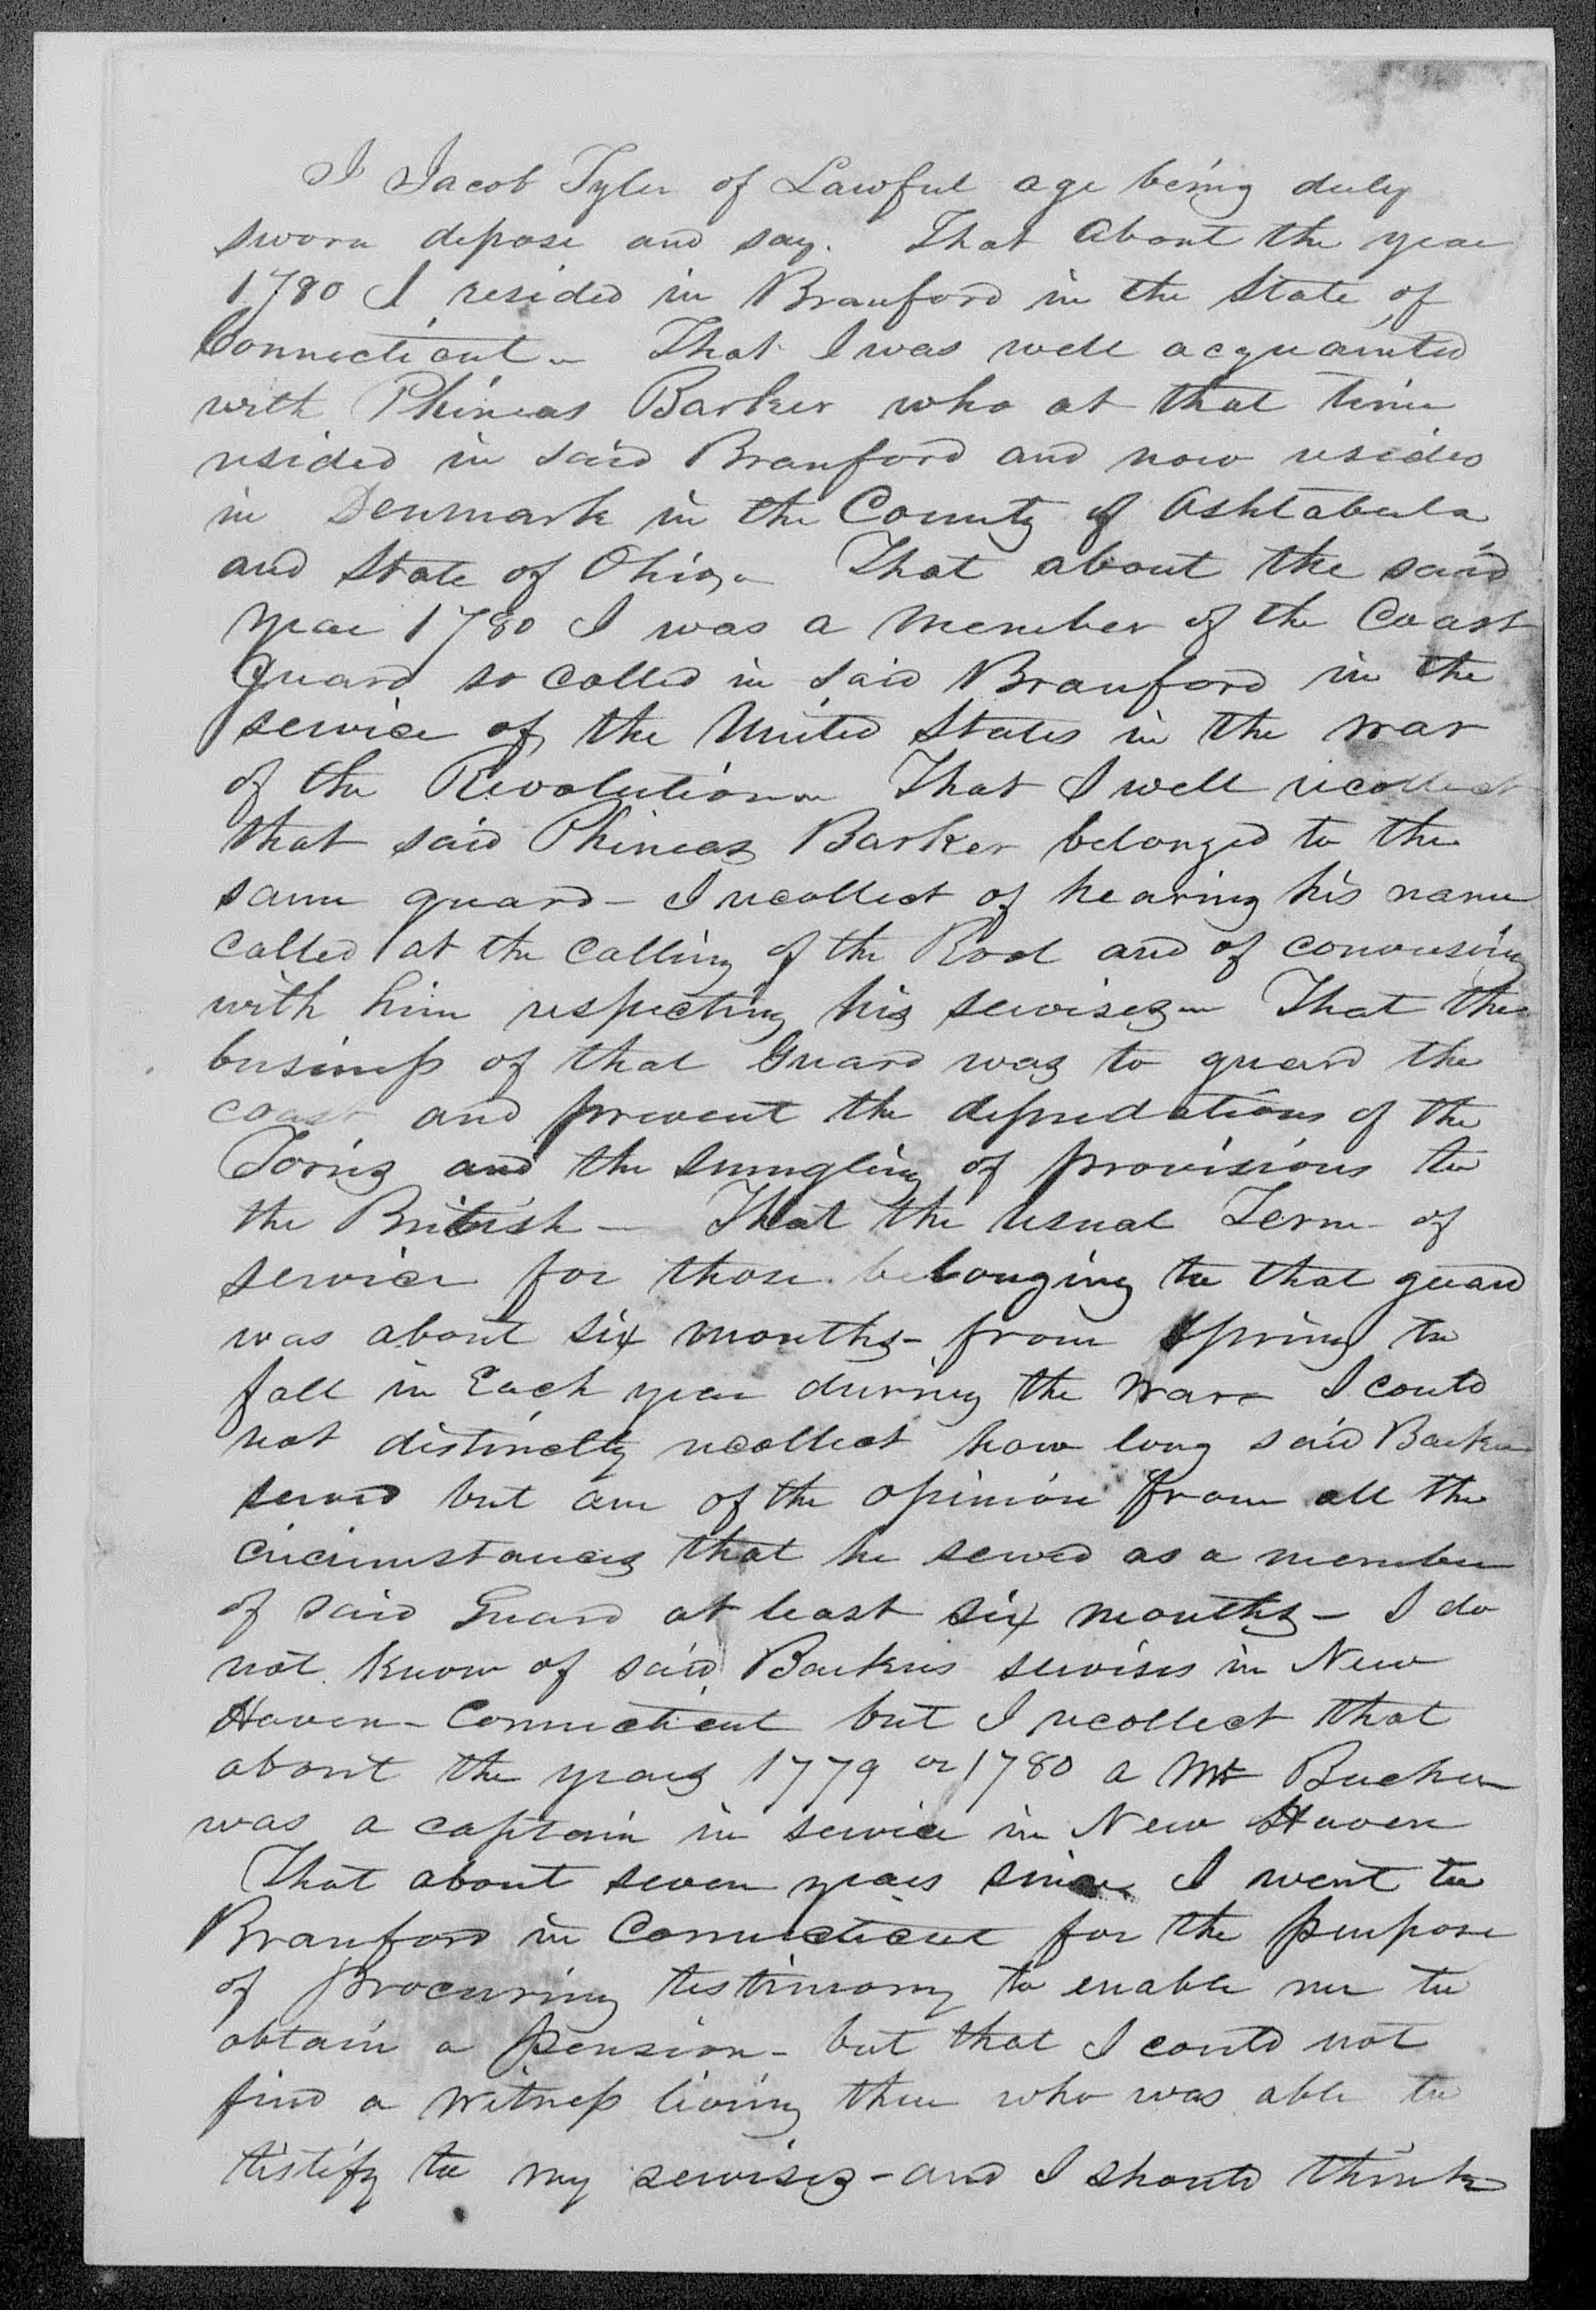I Jacob Tyler of Lawful age being duly sworn depose and say. That about the year 1780 I resided in Branford in the State of Connecticut.  That I was well acquainted with Phineas Barker who at that time resided in said Branford and now resides in Denmark in the County of Ashtabula and State of Ohio.   That about the said year 1780 I was a member of the Coast Guard so called in said Branford in the service of the United States in the war of the Revolution. That I well recollect that said Phineas Barker belonged to the same guard. I recollect of hearing his name called at the calling of the Roll and of conversing with him respecting his servises.   That the business of that Guard was to guard the Coast and prevent the depredations of the Tories and the smuggling of provisions to the British.   That the usual Term of service for those belonging to that guard was about six months, from Spring to fall in each year during the war.   I could not distinctly recollect how long said Barker served but am of the opinion from all the circumstances that he served as a member of said Guard at least six months.   I do not know of said Barkers services in New Haven Connecticut but I recollect that about the years 1779 or 1780 a Mr Barker was a captain in service in New Haven.   That about seven years since I went to Branford in Connecticut for the purpose of procuring testimony to enable me to obtain a pension, but that I could not find a witness living there who was able to testify to my services and I should think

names: Phineas Barker, Barker, Barker, Bucher, Phineas Barker, Jacob Tyler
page: 17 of 35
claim: rejected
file: R. 501, Phineas Barker, Conn. Privateer